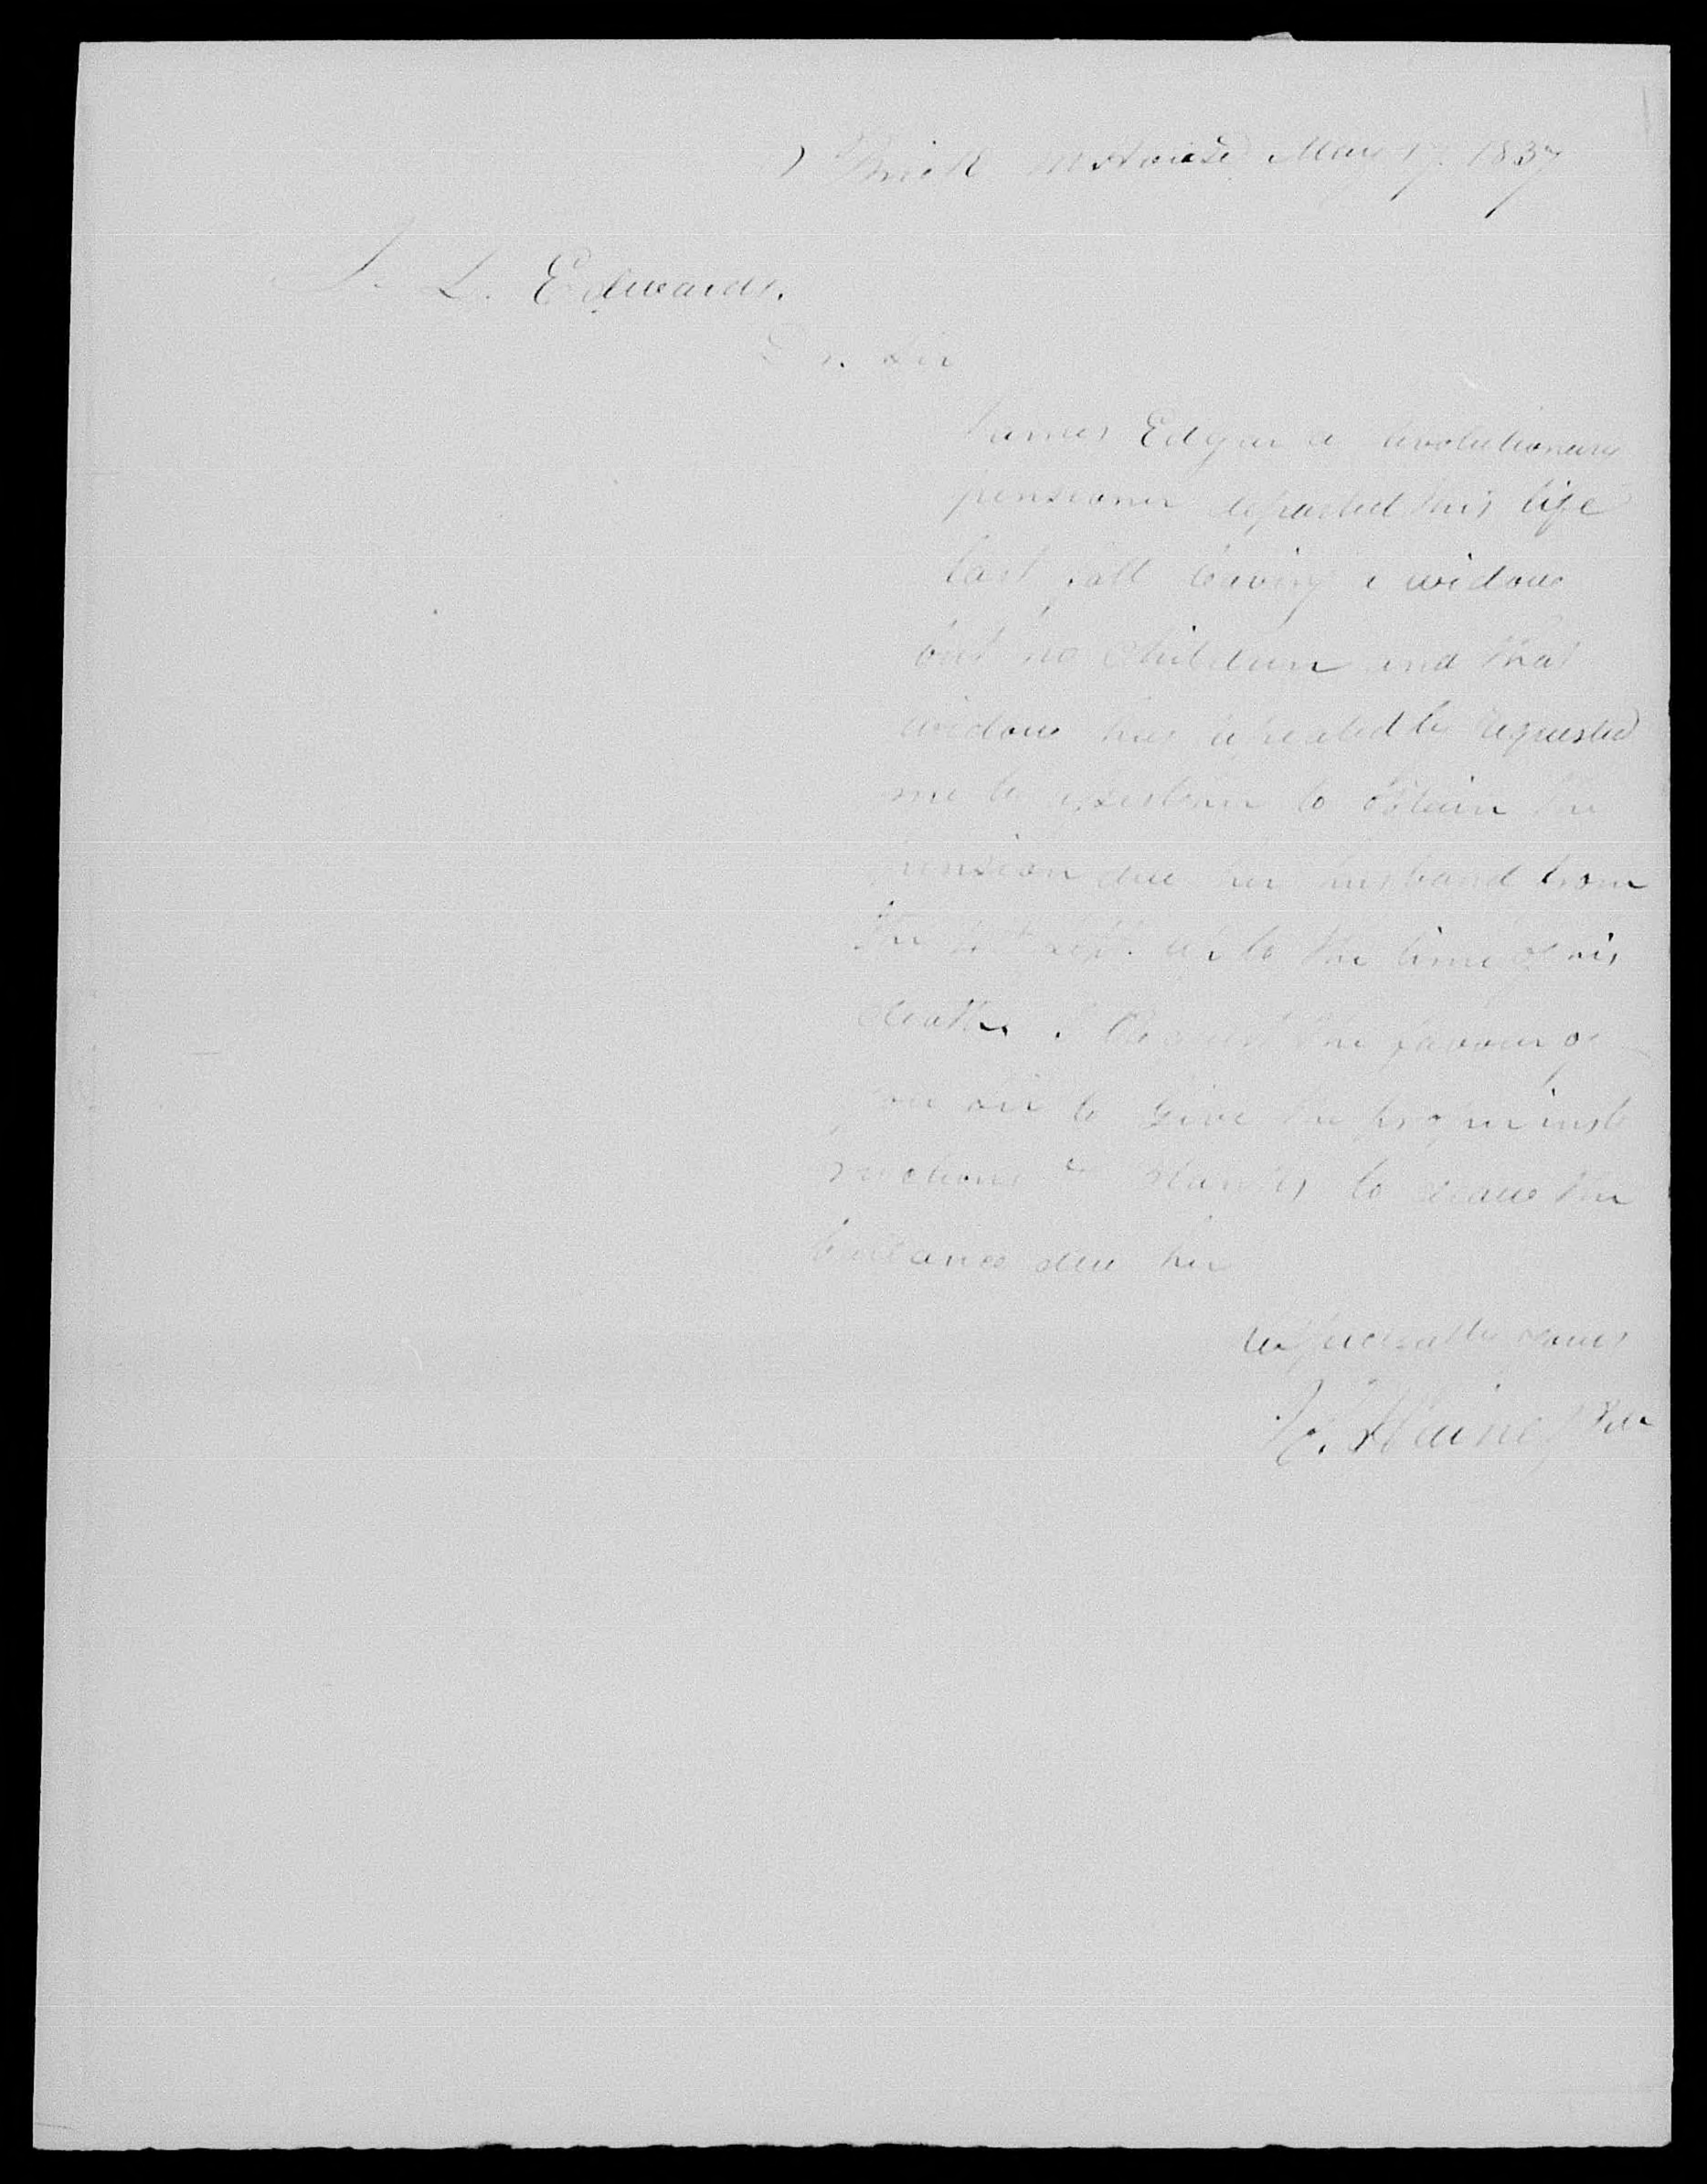Brick in House May 17 1837

J. L. Edwards,

Dr Sir
James Edgar a Revolutionary
pensioner departed this life
last fall leaving a widow
but no children and that
widow has repeatedly requested
me to [illegible] to obtain her
pension due her husband from
the last Sept up to the time of his
death. I request the favour of
you and to give her prop[illegible]
[illegible] to draw the
balance due her
Respectfully yours
Jos. Haines [illegible]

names: James Edgar, J L Edwards, Jos Haines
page: 67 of 74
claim: widow's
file: W. 9422, James Edgar, Penn.